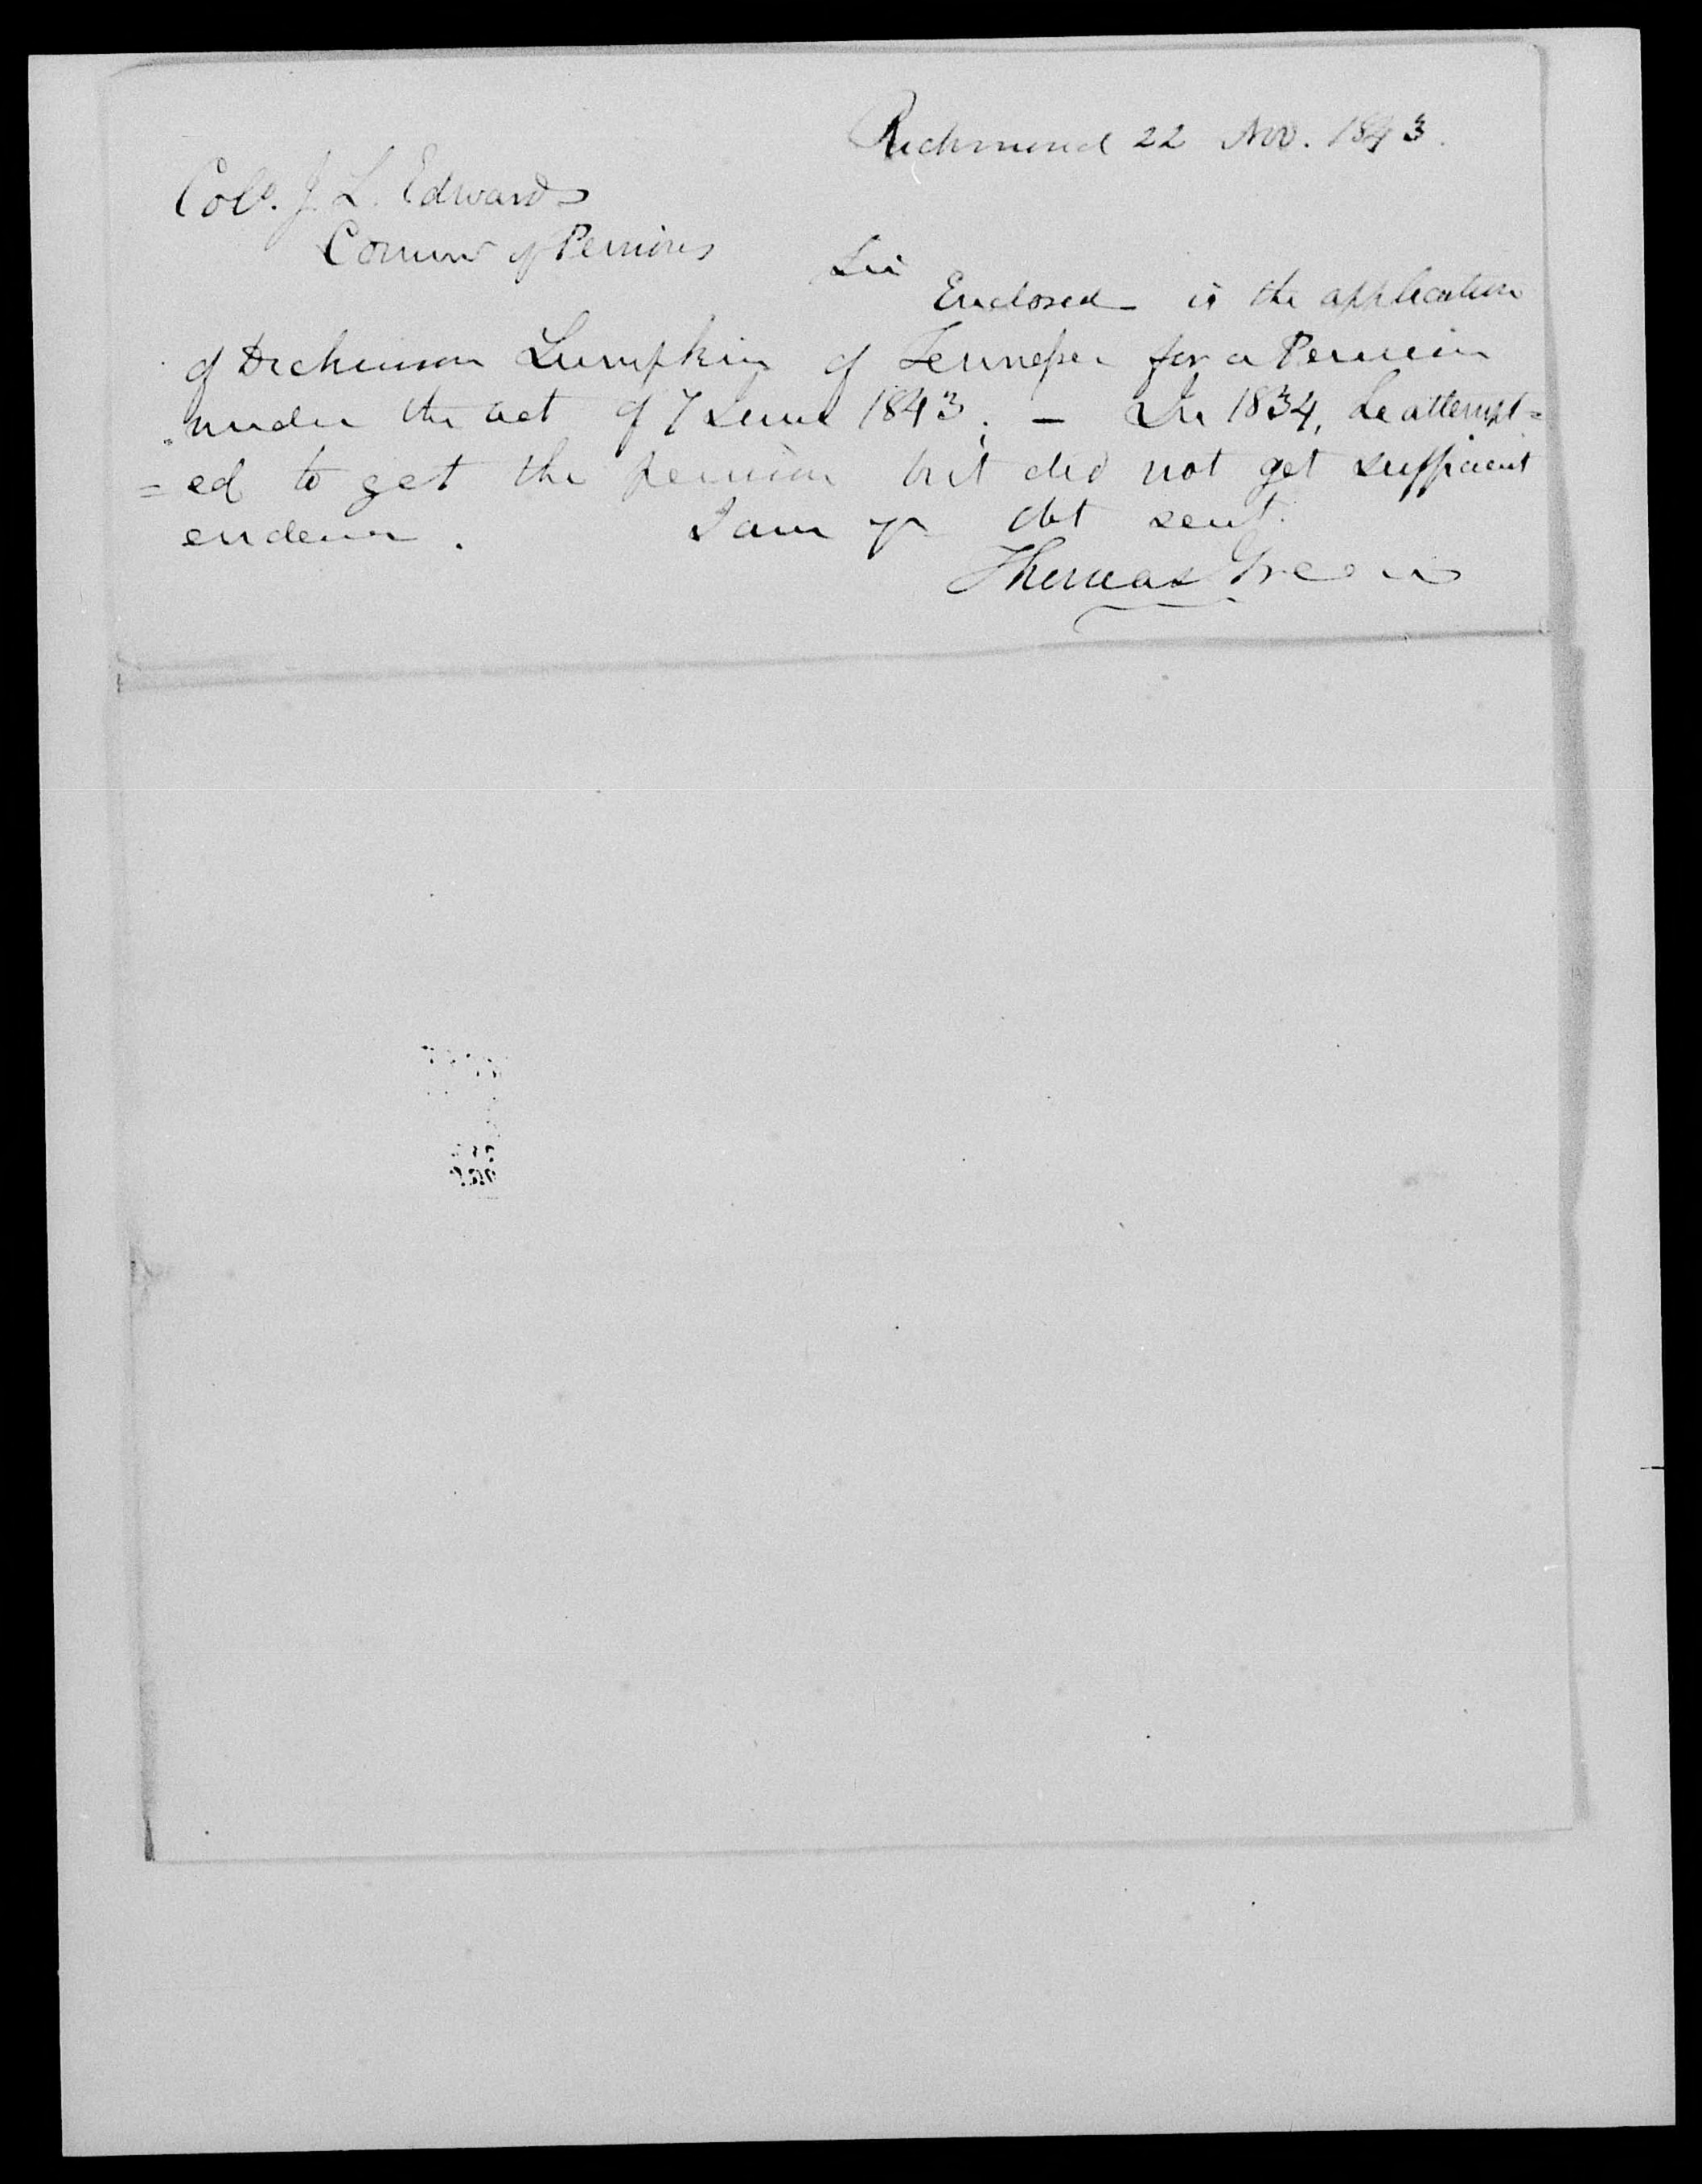(Handwritten document)

Richmond 22 Nov. 1873

Col. J. L. Edwards
Comm of Pensions

Sir
Enclosed is the application
Dickinson Lumpkin of Tennessee for a pension
under the act of 7 June 1843. In 1834, he attempted to get the pension but did not get sufficient end(illegible).

I am yr obt sevt.
Thomas Green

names: J L Edwards; Dickinson Lumpkin; Thomas Green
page: 30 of 37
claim: rejected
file: R. 6521, for Dickeson Lumpkin, Pennsylvania